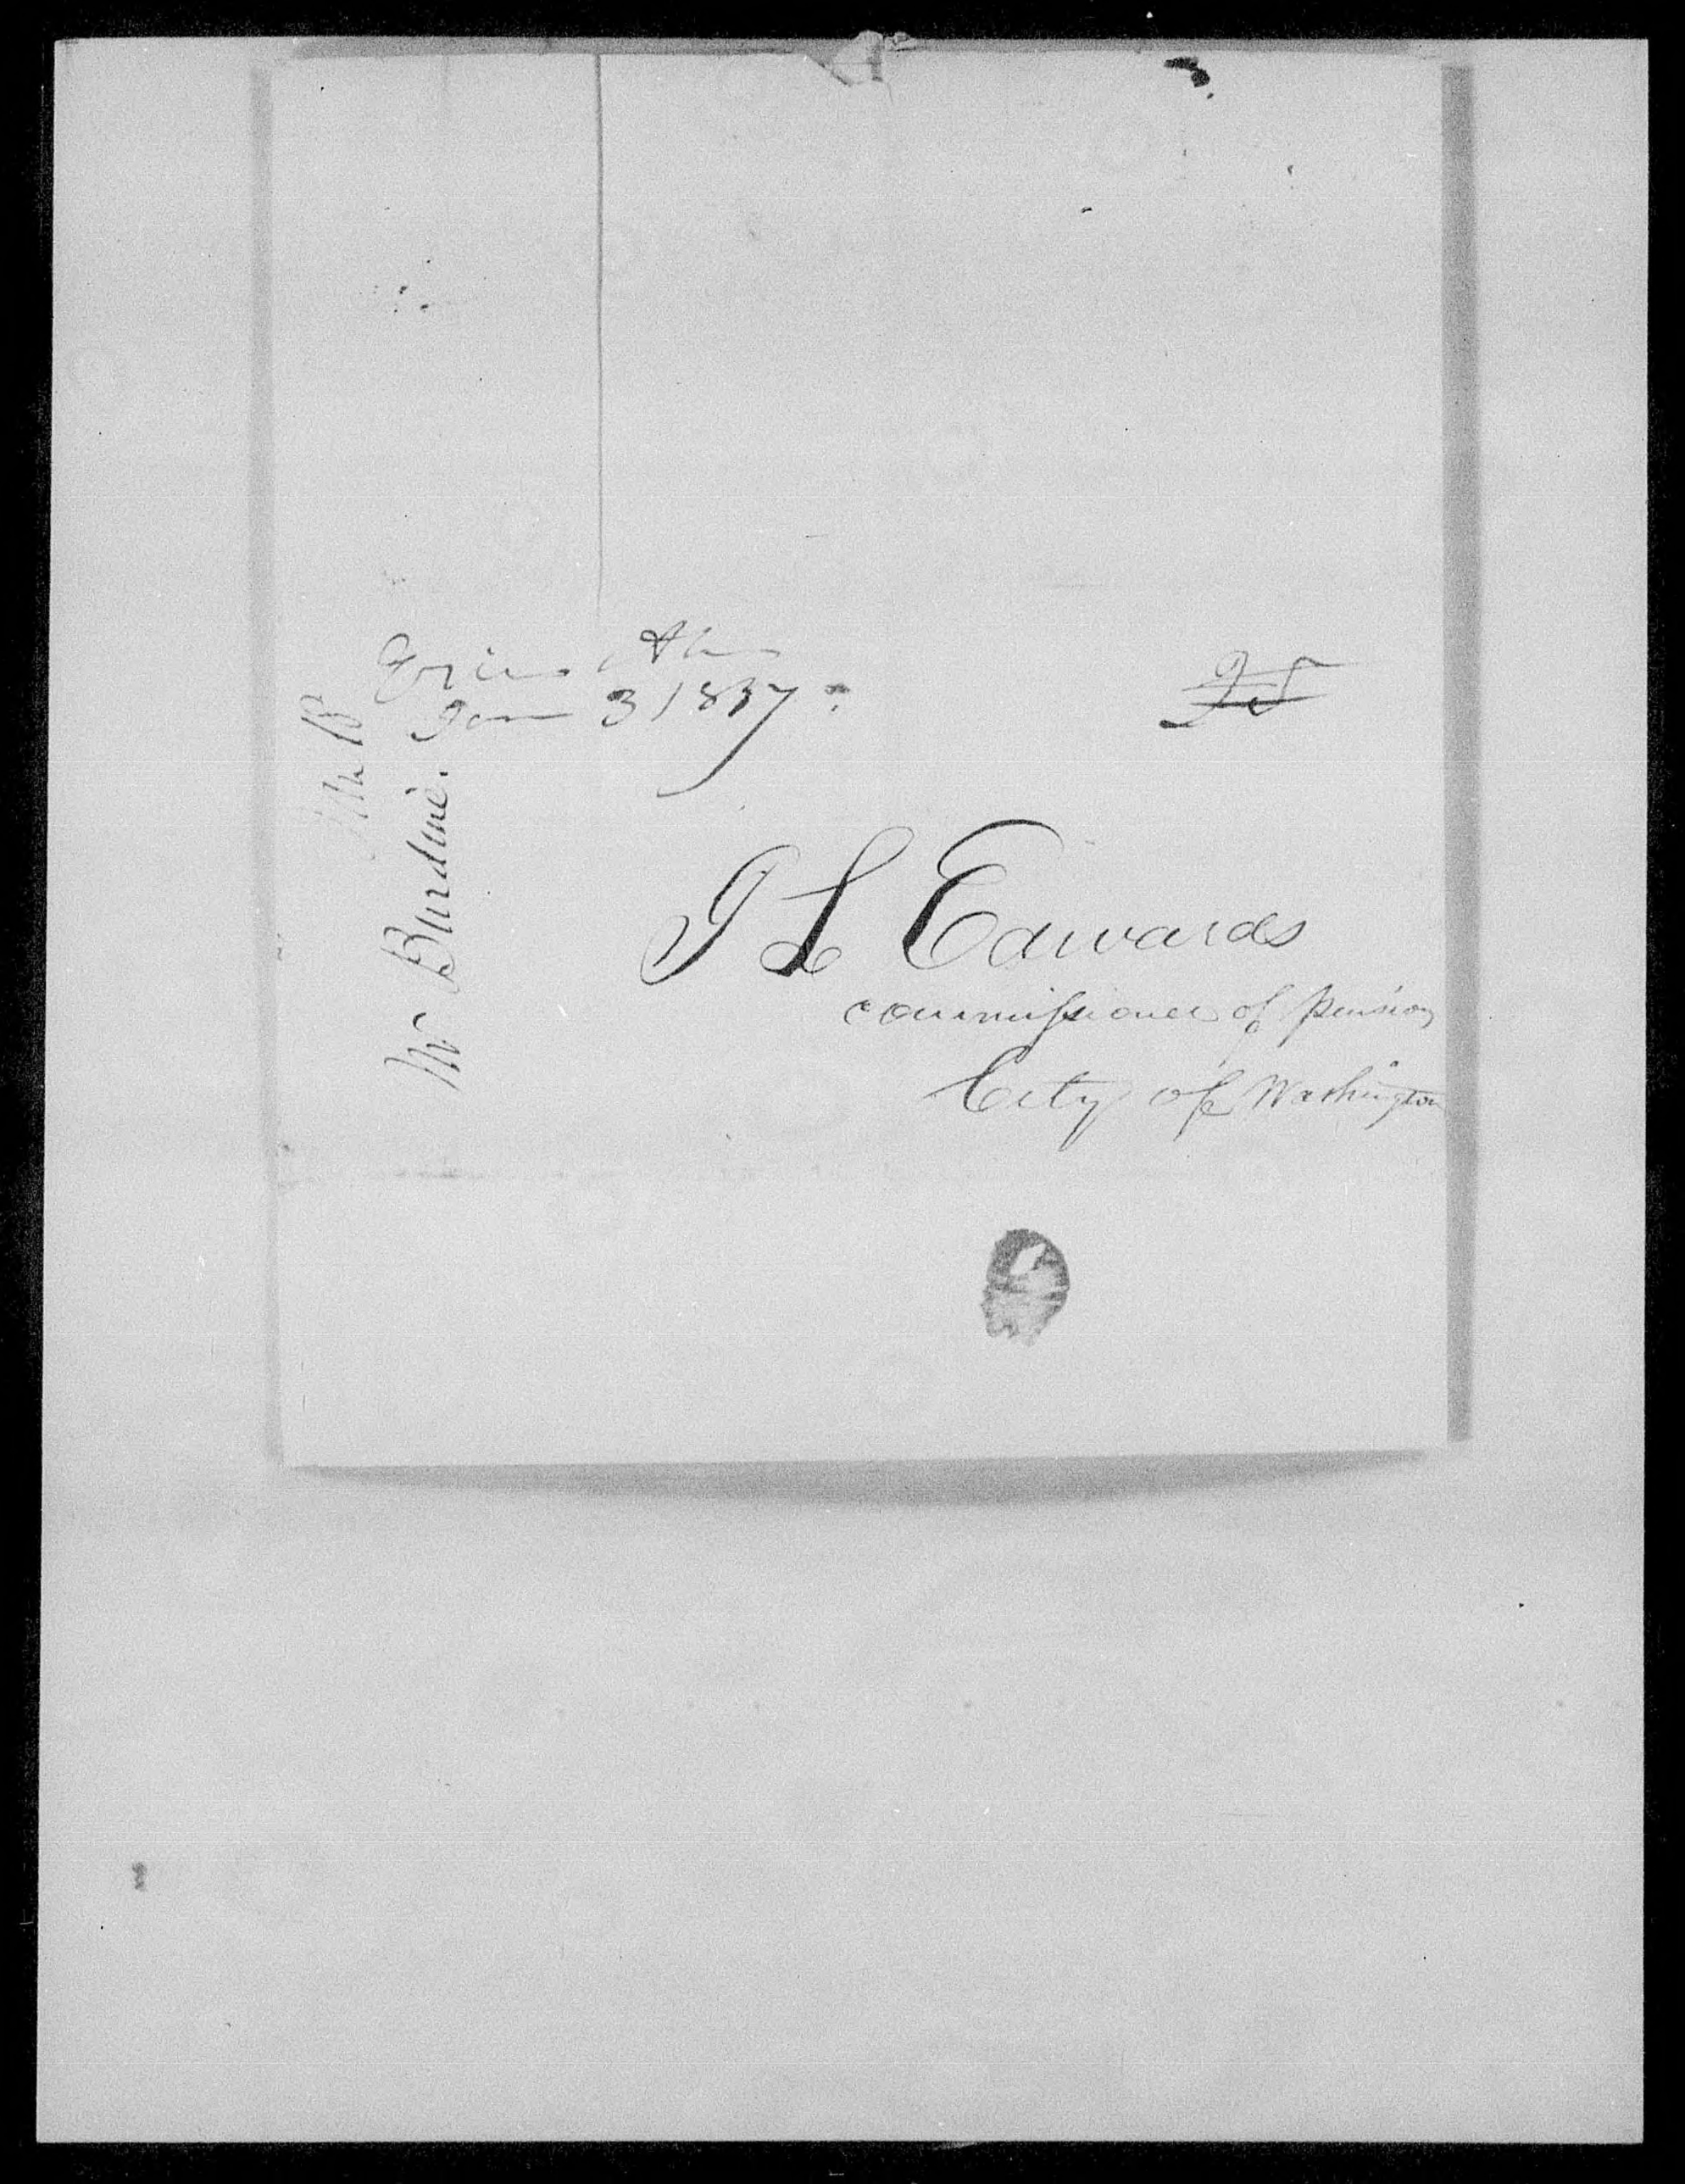Erie Ala Jany 3 1837 
J L Edwards
commissioner of pensions
City of Washington

Jan 18
W Burdine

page: 40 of 45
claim: survivor's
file: S. 13,890, for James Mc Carter, South Carolina